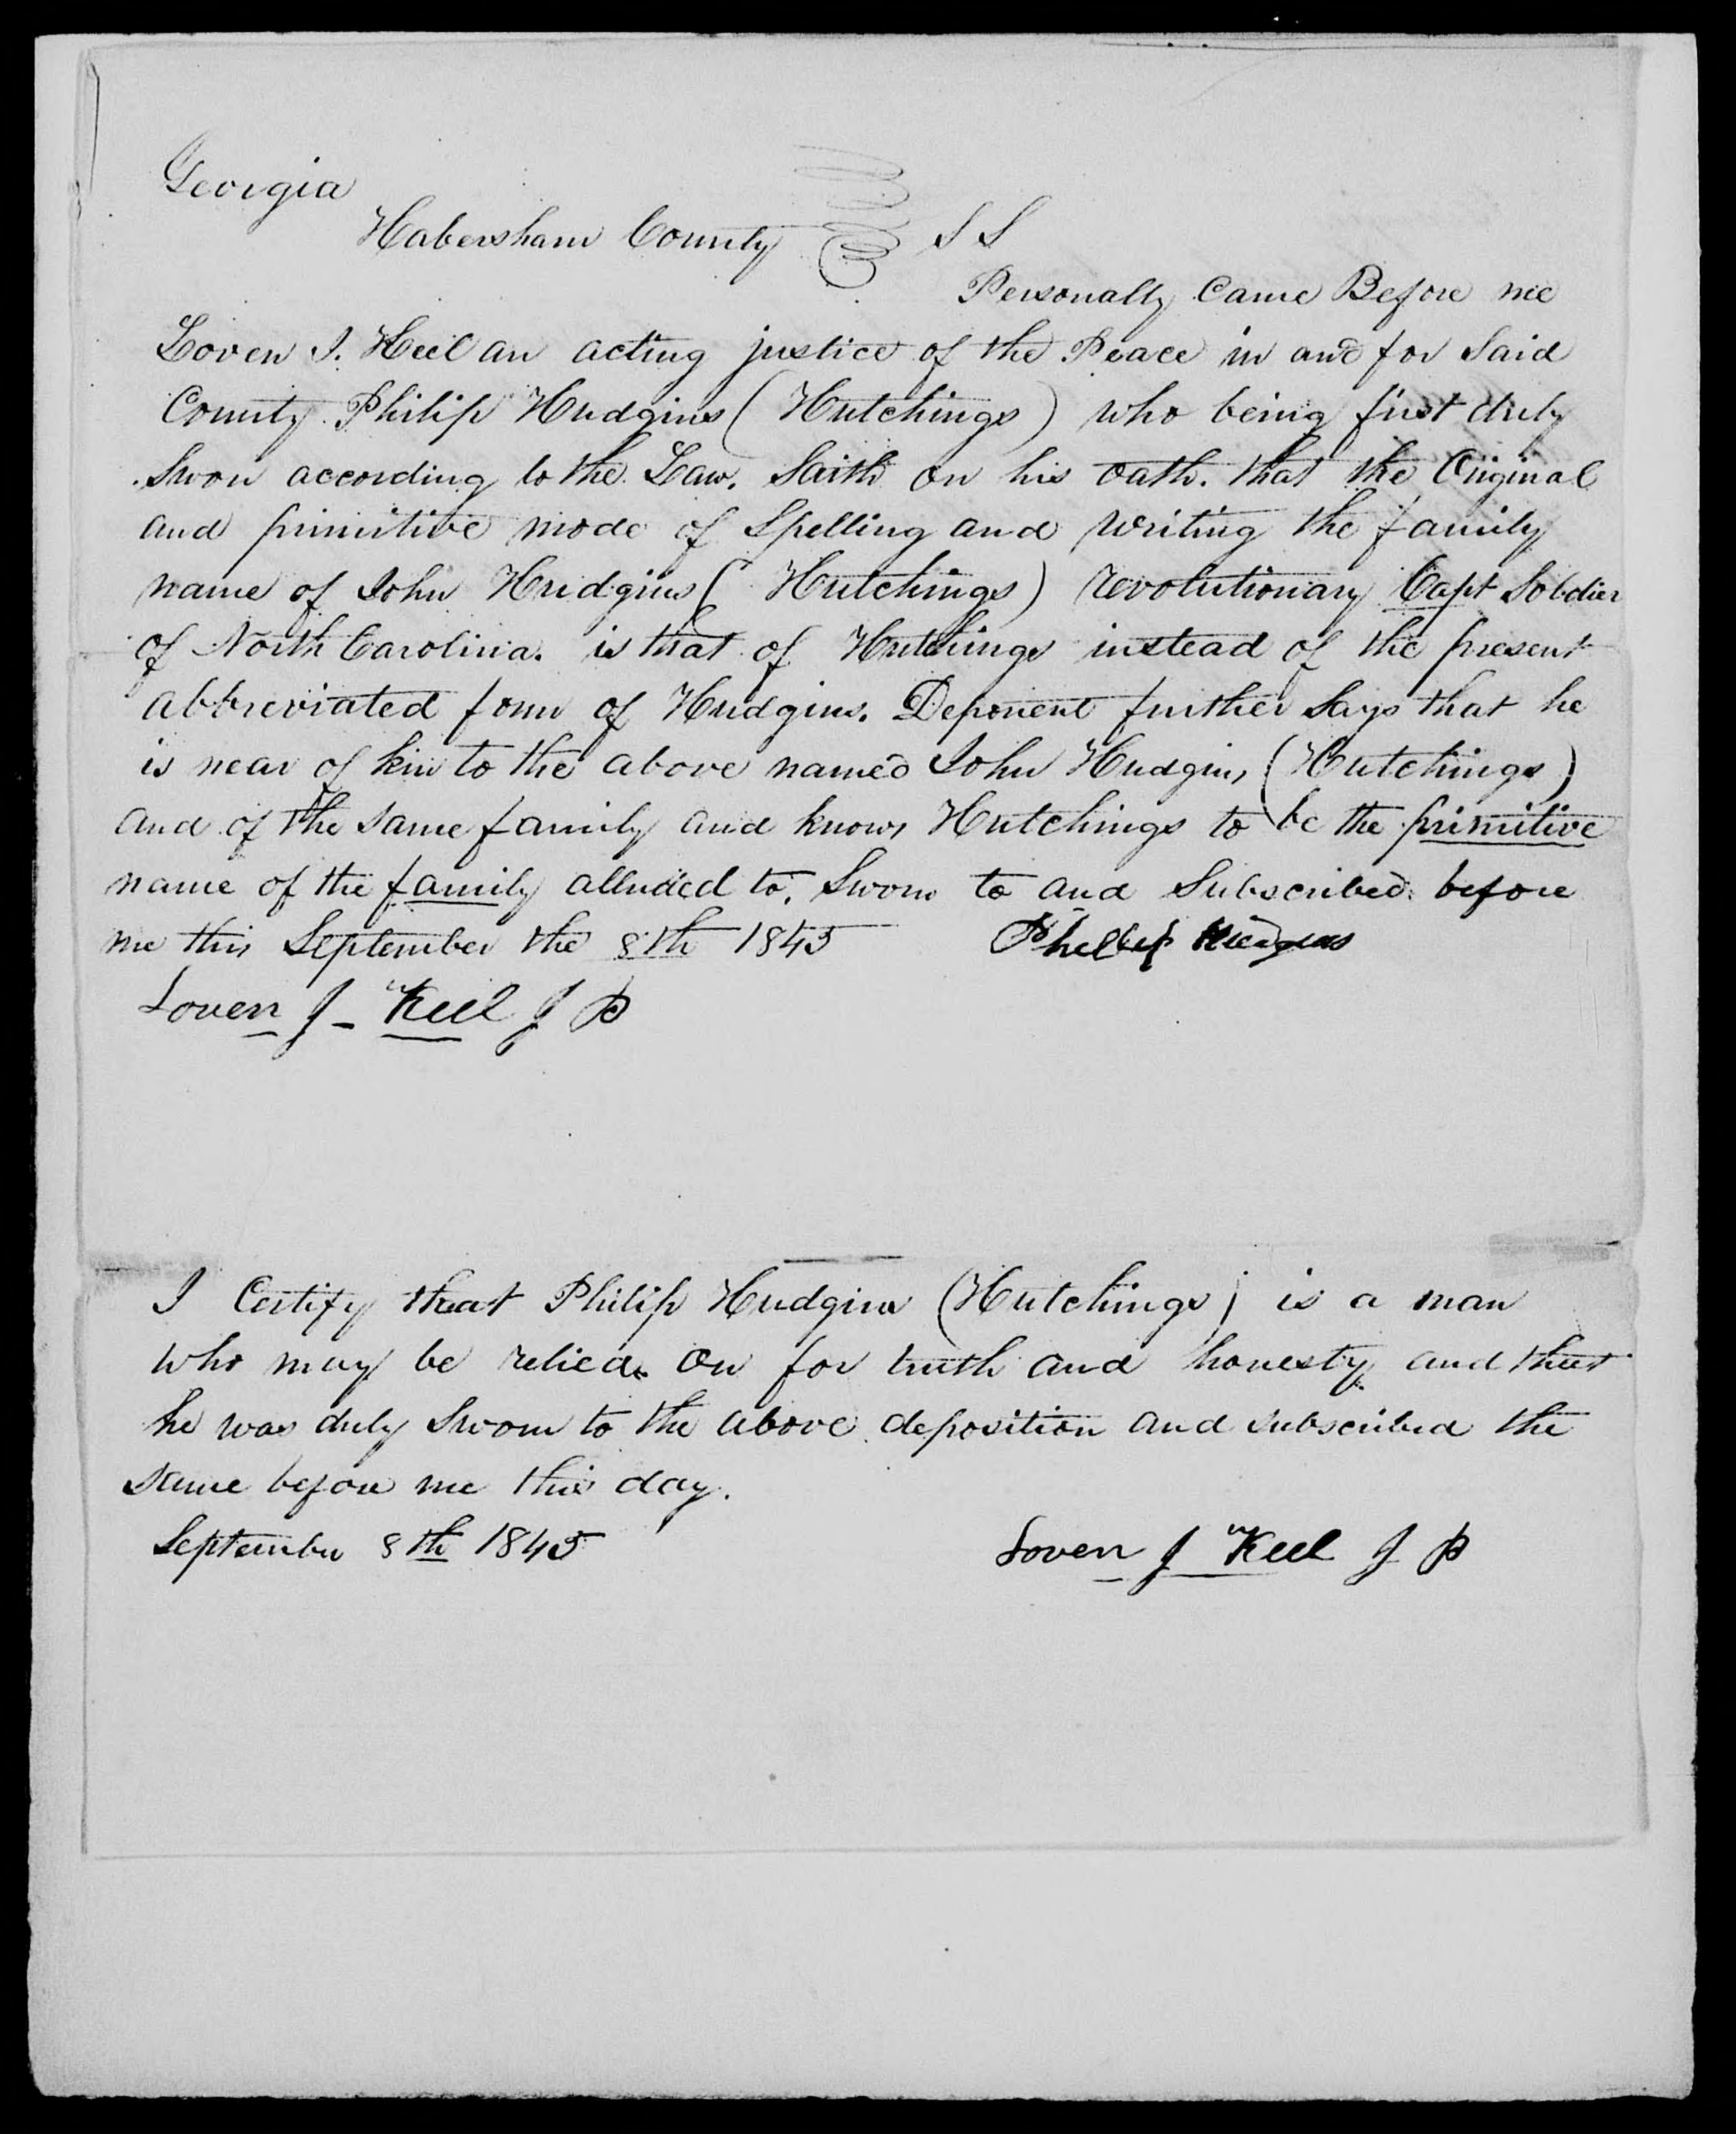Georgia. Habershaw County
Personally came before me Loven J. Heel an acting Justice of the peace in and for said county Philip Hudgins (Hutchings) who being first duly sworn according to the law saith on his oath that the original and primitive mode of spelling and writing the family name of John Hudgins (hutchins) revolutionary Captain Soldier of North Carolina is that of Hutchings instead of the present abbreviated of Hudgins. Despontent further says that the is near of kin to the above named John Hudgins (Hutchings) and of the same family and knowns Hutchins to be the primitive name of the family alluded to. Sworn to and Subscirbed before me this September the 8th 1845. Philip Hudgins. Loven J. Heel

I certify that Philip Hudgins (Hutchins) is a man who may be relied on for truth and honesty and that he was duly sworn to the above deposition and subscribed the name before me this day September 8th 1845  Loven J. Keel J.P.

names: Philip Hutchings, Philip Hudgins, Loven J Heel, John Hutchings, John Hudgins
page: 87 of 108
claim: rejected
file: R. 7,515, John Hudgins, N.C.